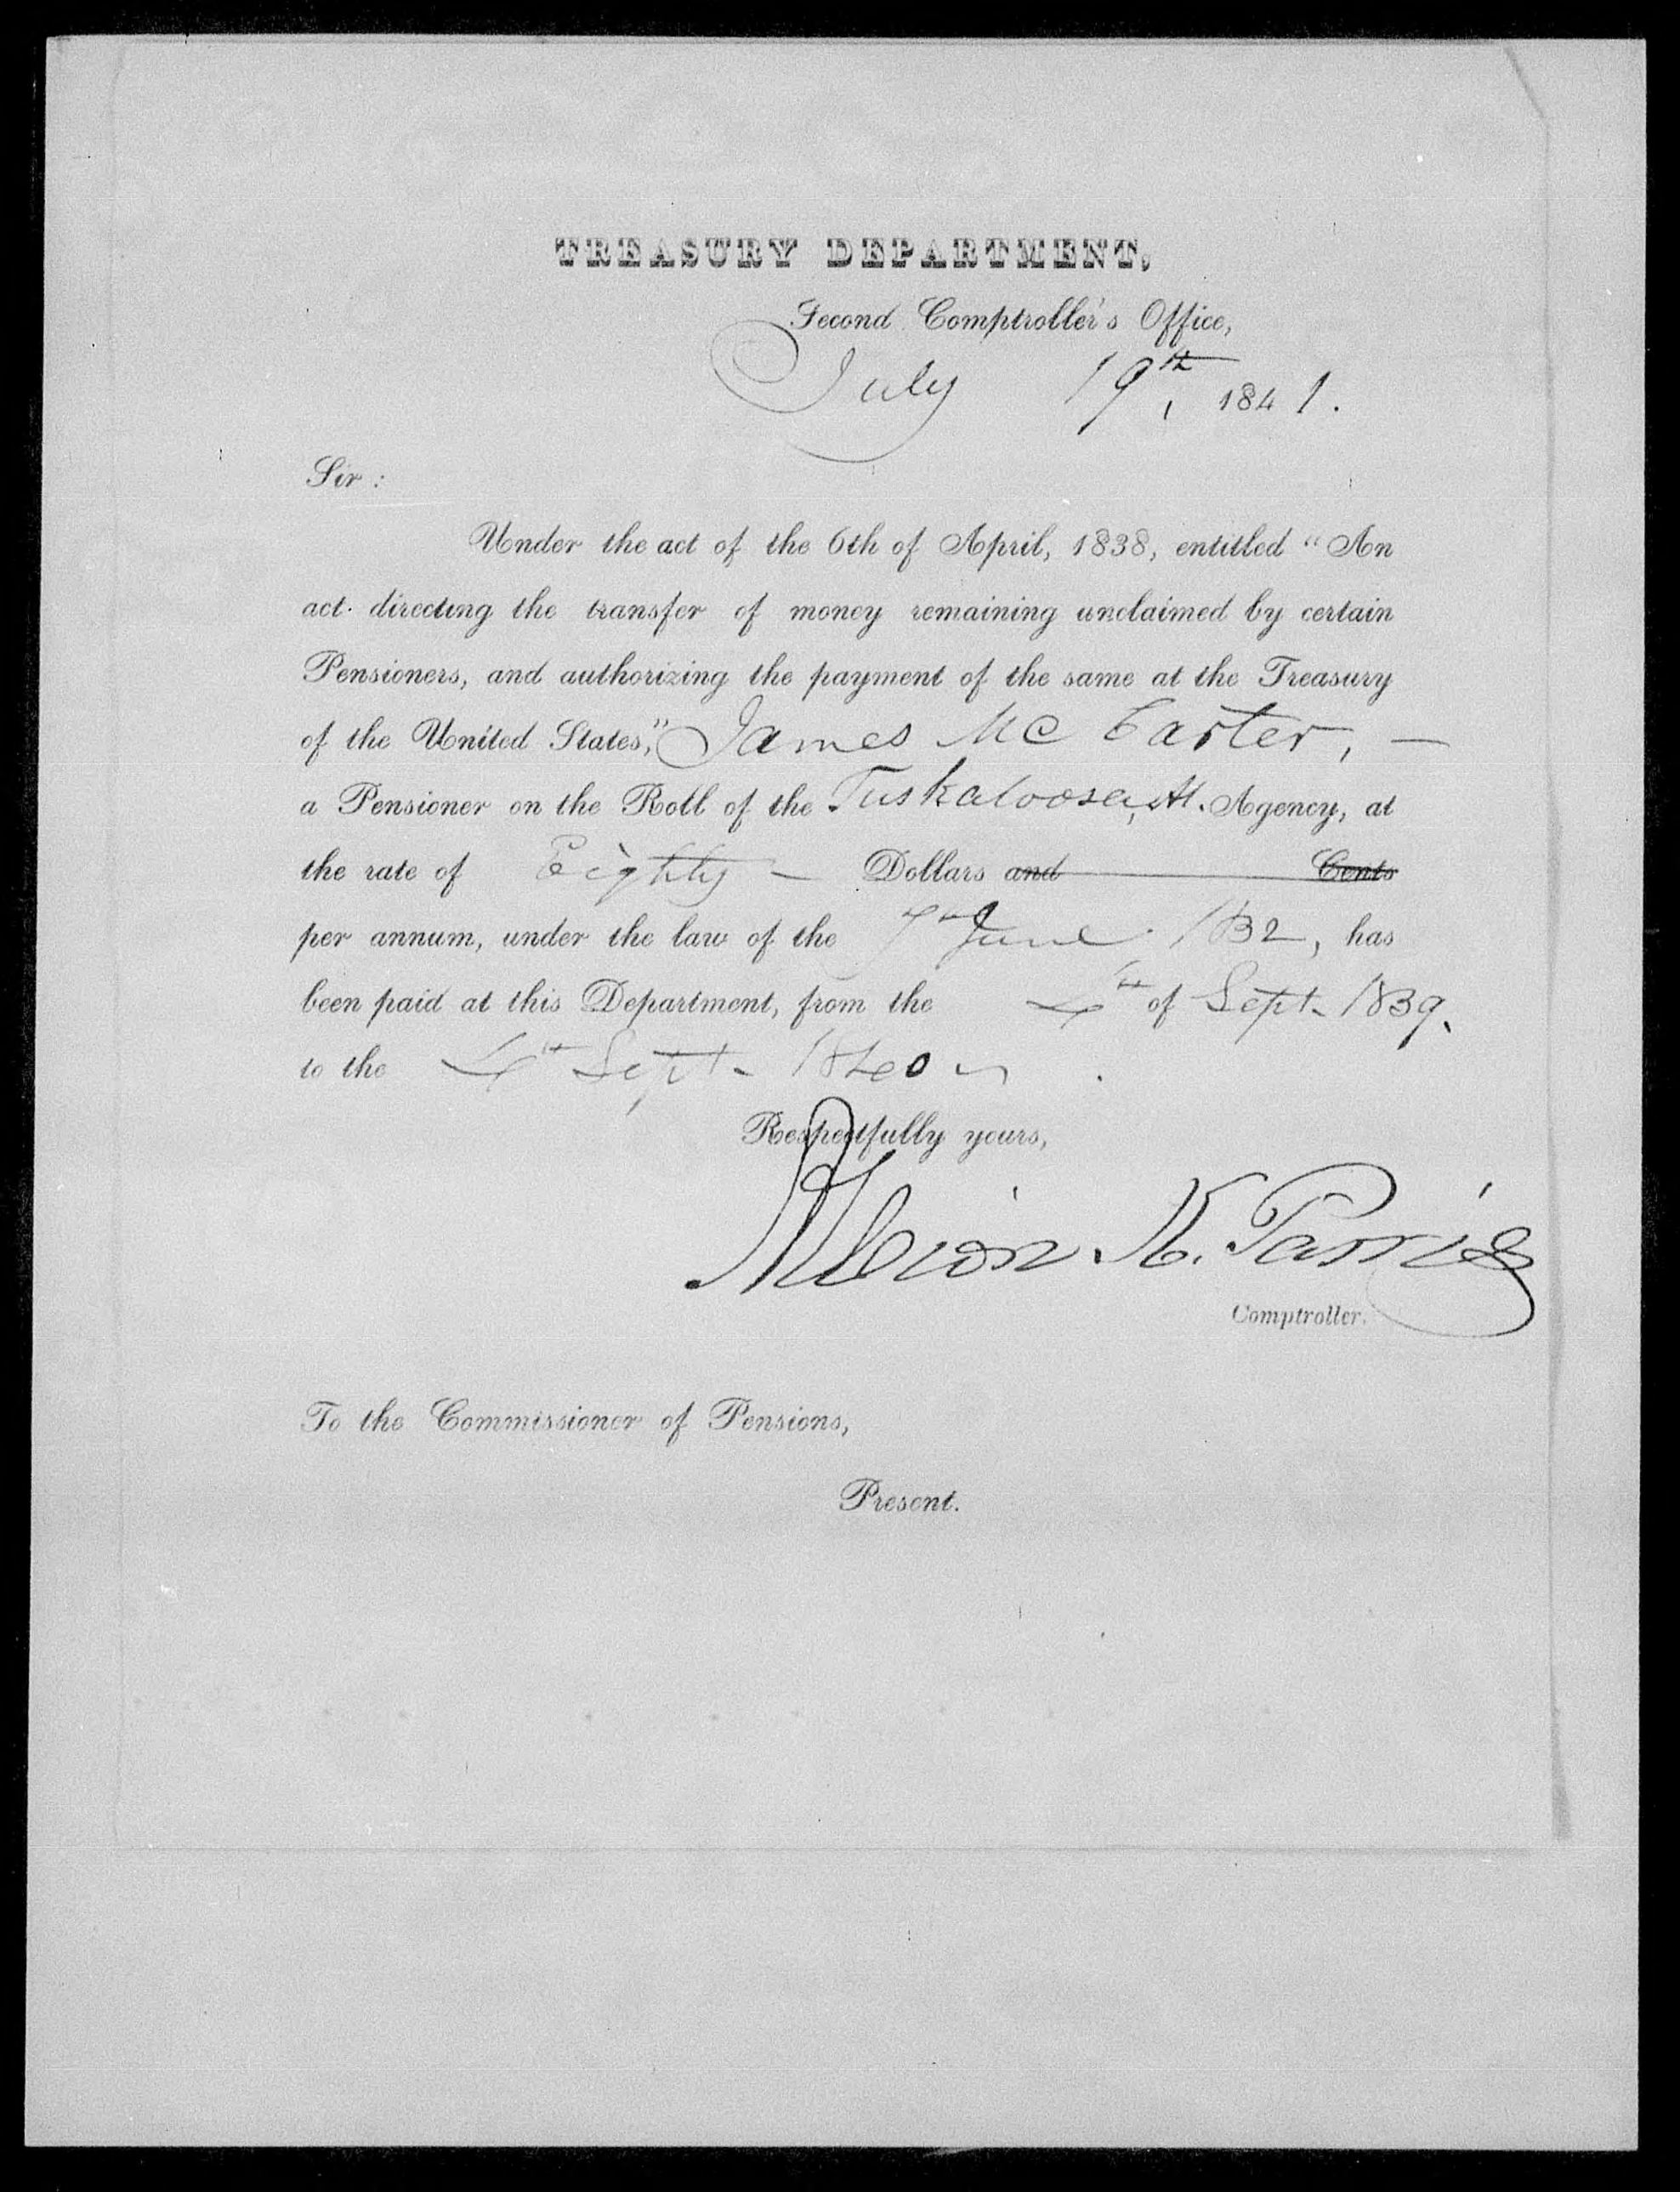[Printed document with handwritten entries]

[Printed document with handwritten entries]

TREASURY DEPARTMENT.
Second Comptroller's Office,
July 19th 1841.
Sir:
Under the act of the 6th of April, 1838, entitled "An act directing the transfer of money remaining unclaimed by certain Pensioners, and authorizing the payment of the same at the Treasury of the United States", James McCarter, a Pensioner on the Roll of the Tuskaloosa, Al. Agency, at the rate of Eighty Dollars {crossed out: and - Cents] per annum, under the law of the 7th June 1832, has been paid at this Department, from the 4th of Sept 1839 to the 4th Sept. 1840.
Respectfully yours,
Albion K. Parris
Comptroller.
To the Commissioner of Pensions,
Present.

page: 18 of 45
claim: survivor's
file: S. 13,890, for James Mc Carter, South Carolina